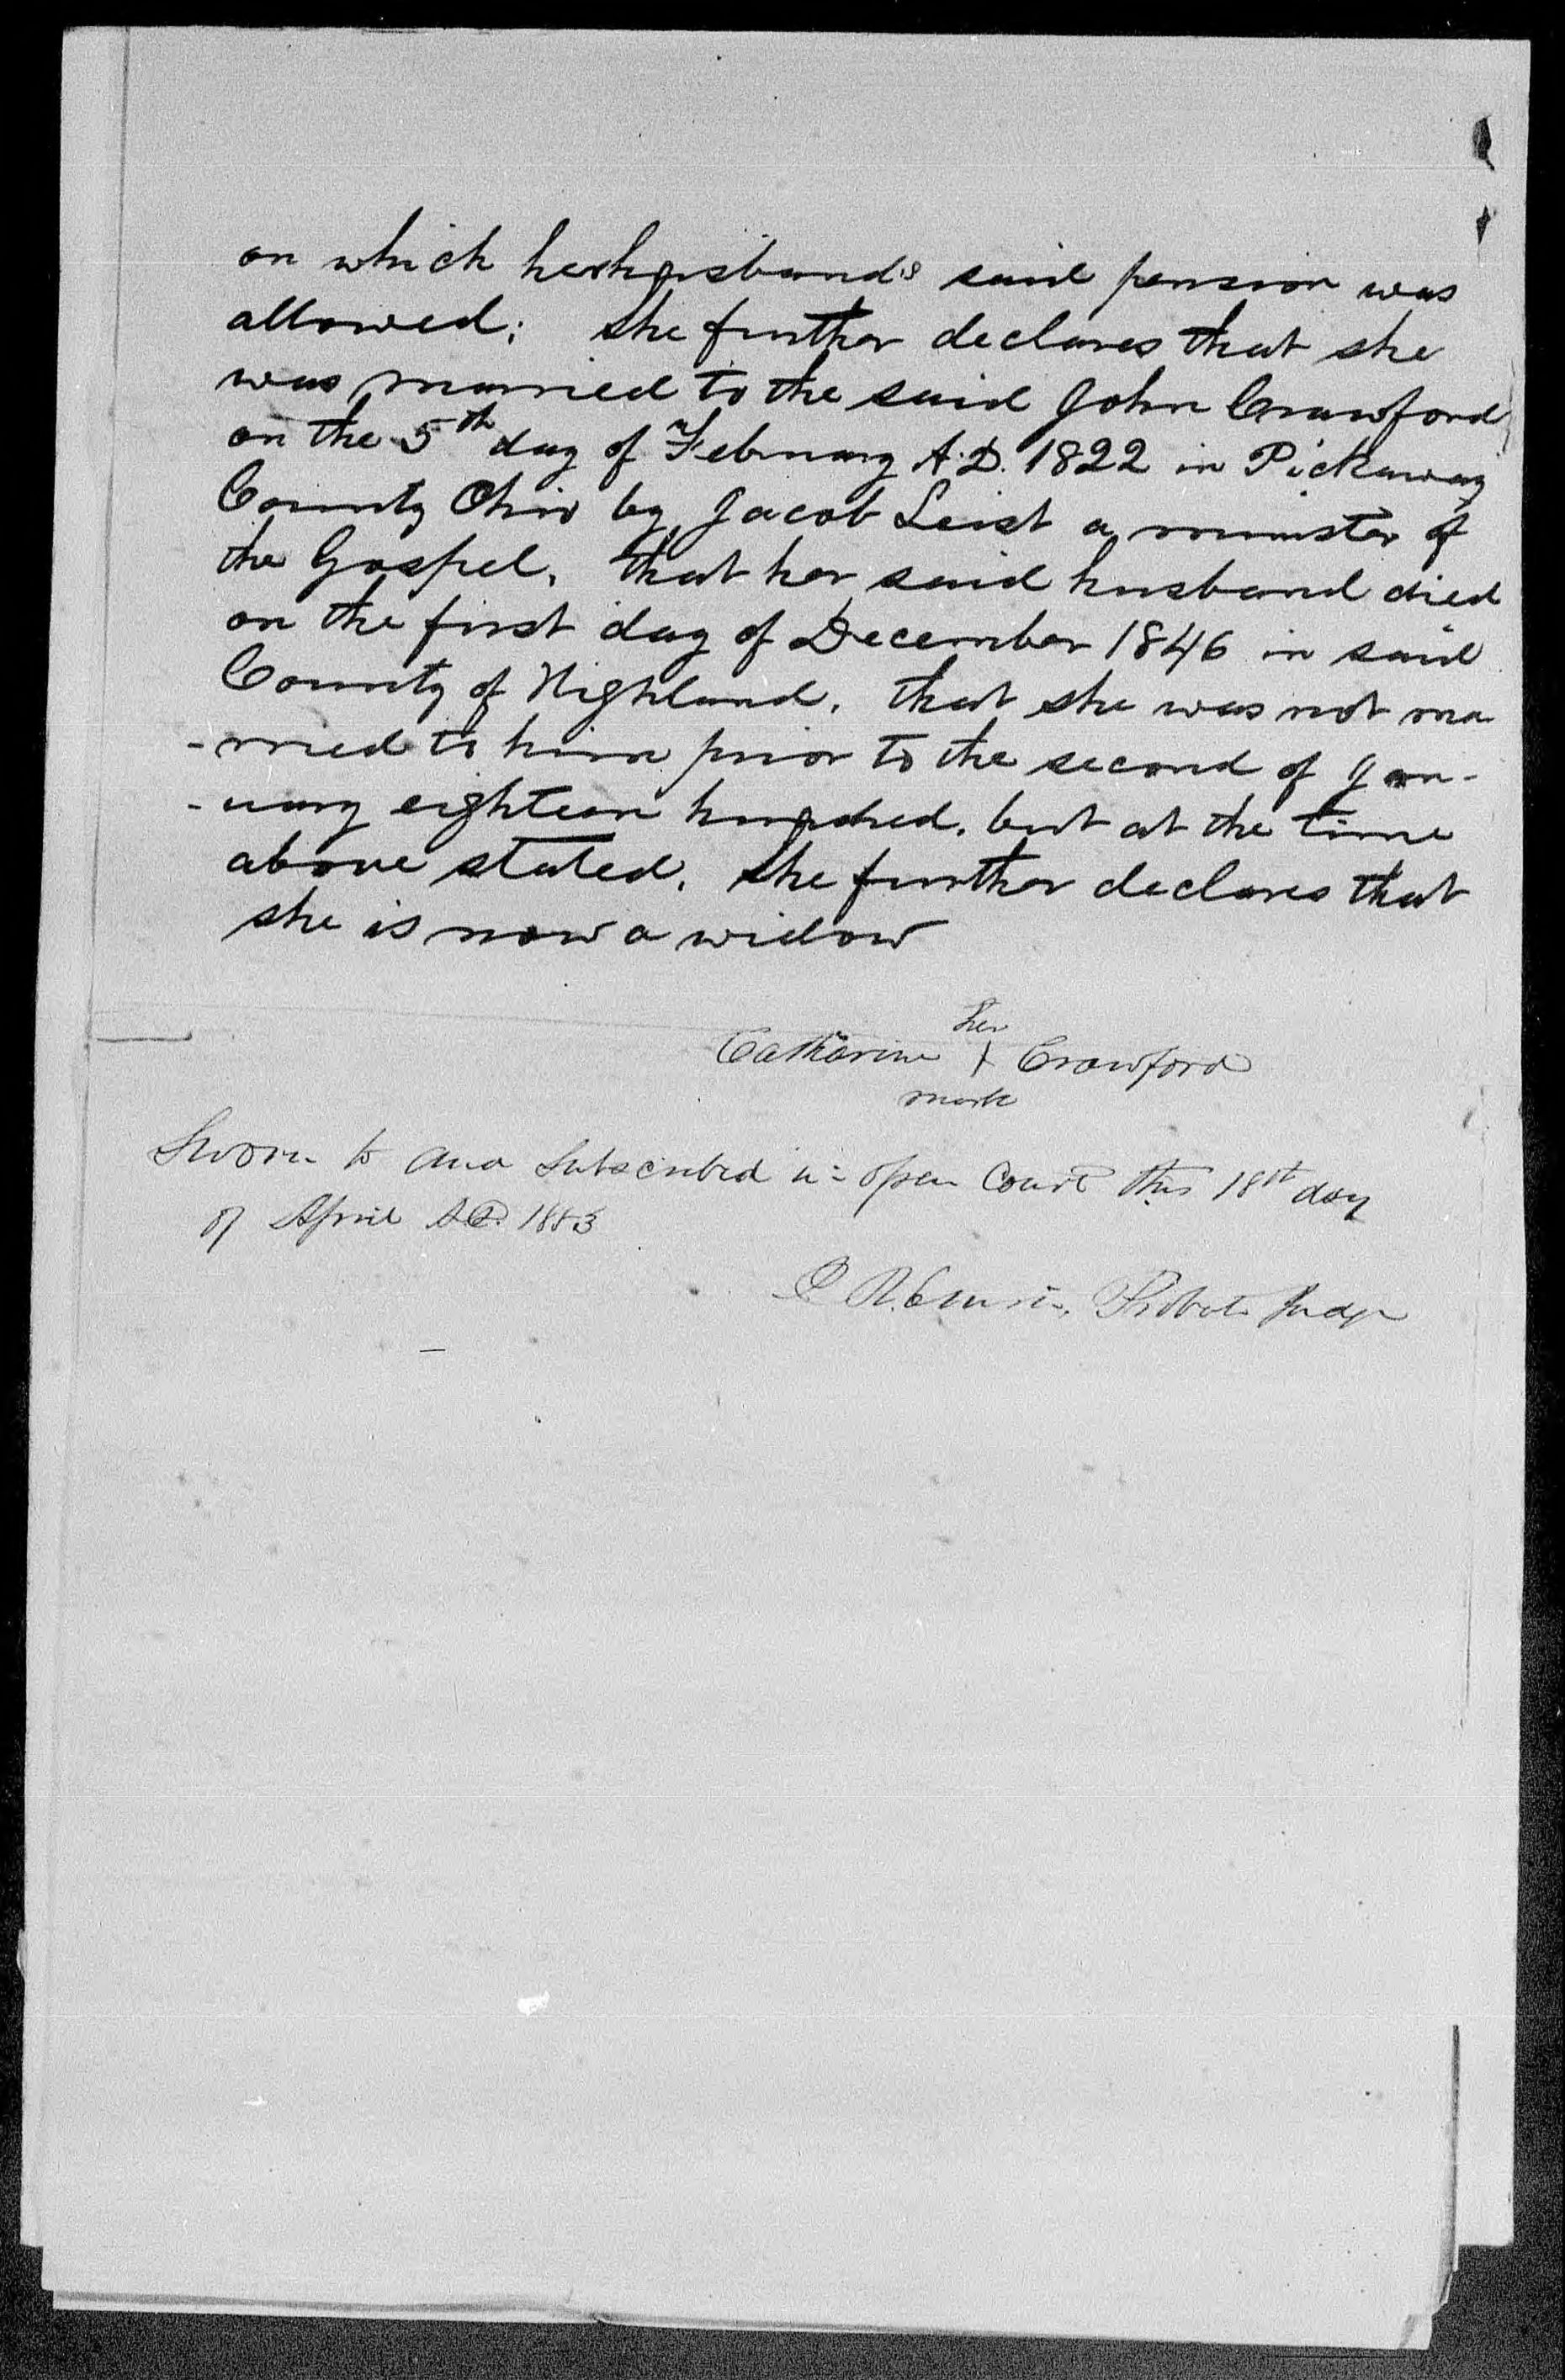on which her husbands said pension was allowed. She further declares that she was married to the said John Crawford on the 5th day of February AD 1822 in Pickaway County Ohio by Jacob Leist a minister of the Gospel. That her said husband died on the first day of December 1846 in said county of Highland. That she was not married to him prior to the second of January eighteen hundred, but at the time above stated. She further declares that she is now a widow.
Catharine Crawford - X her mark

Sworn to and subscribed in open court this 18th day of April AD 1883
J.R. Emrie, Probate Judge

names: John Crawford, Catharine Crawford, Jacob Leist, J R Emrie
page: 9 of 80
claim: widow's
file: W 2070, John Crawford, Penn.